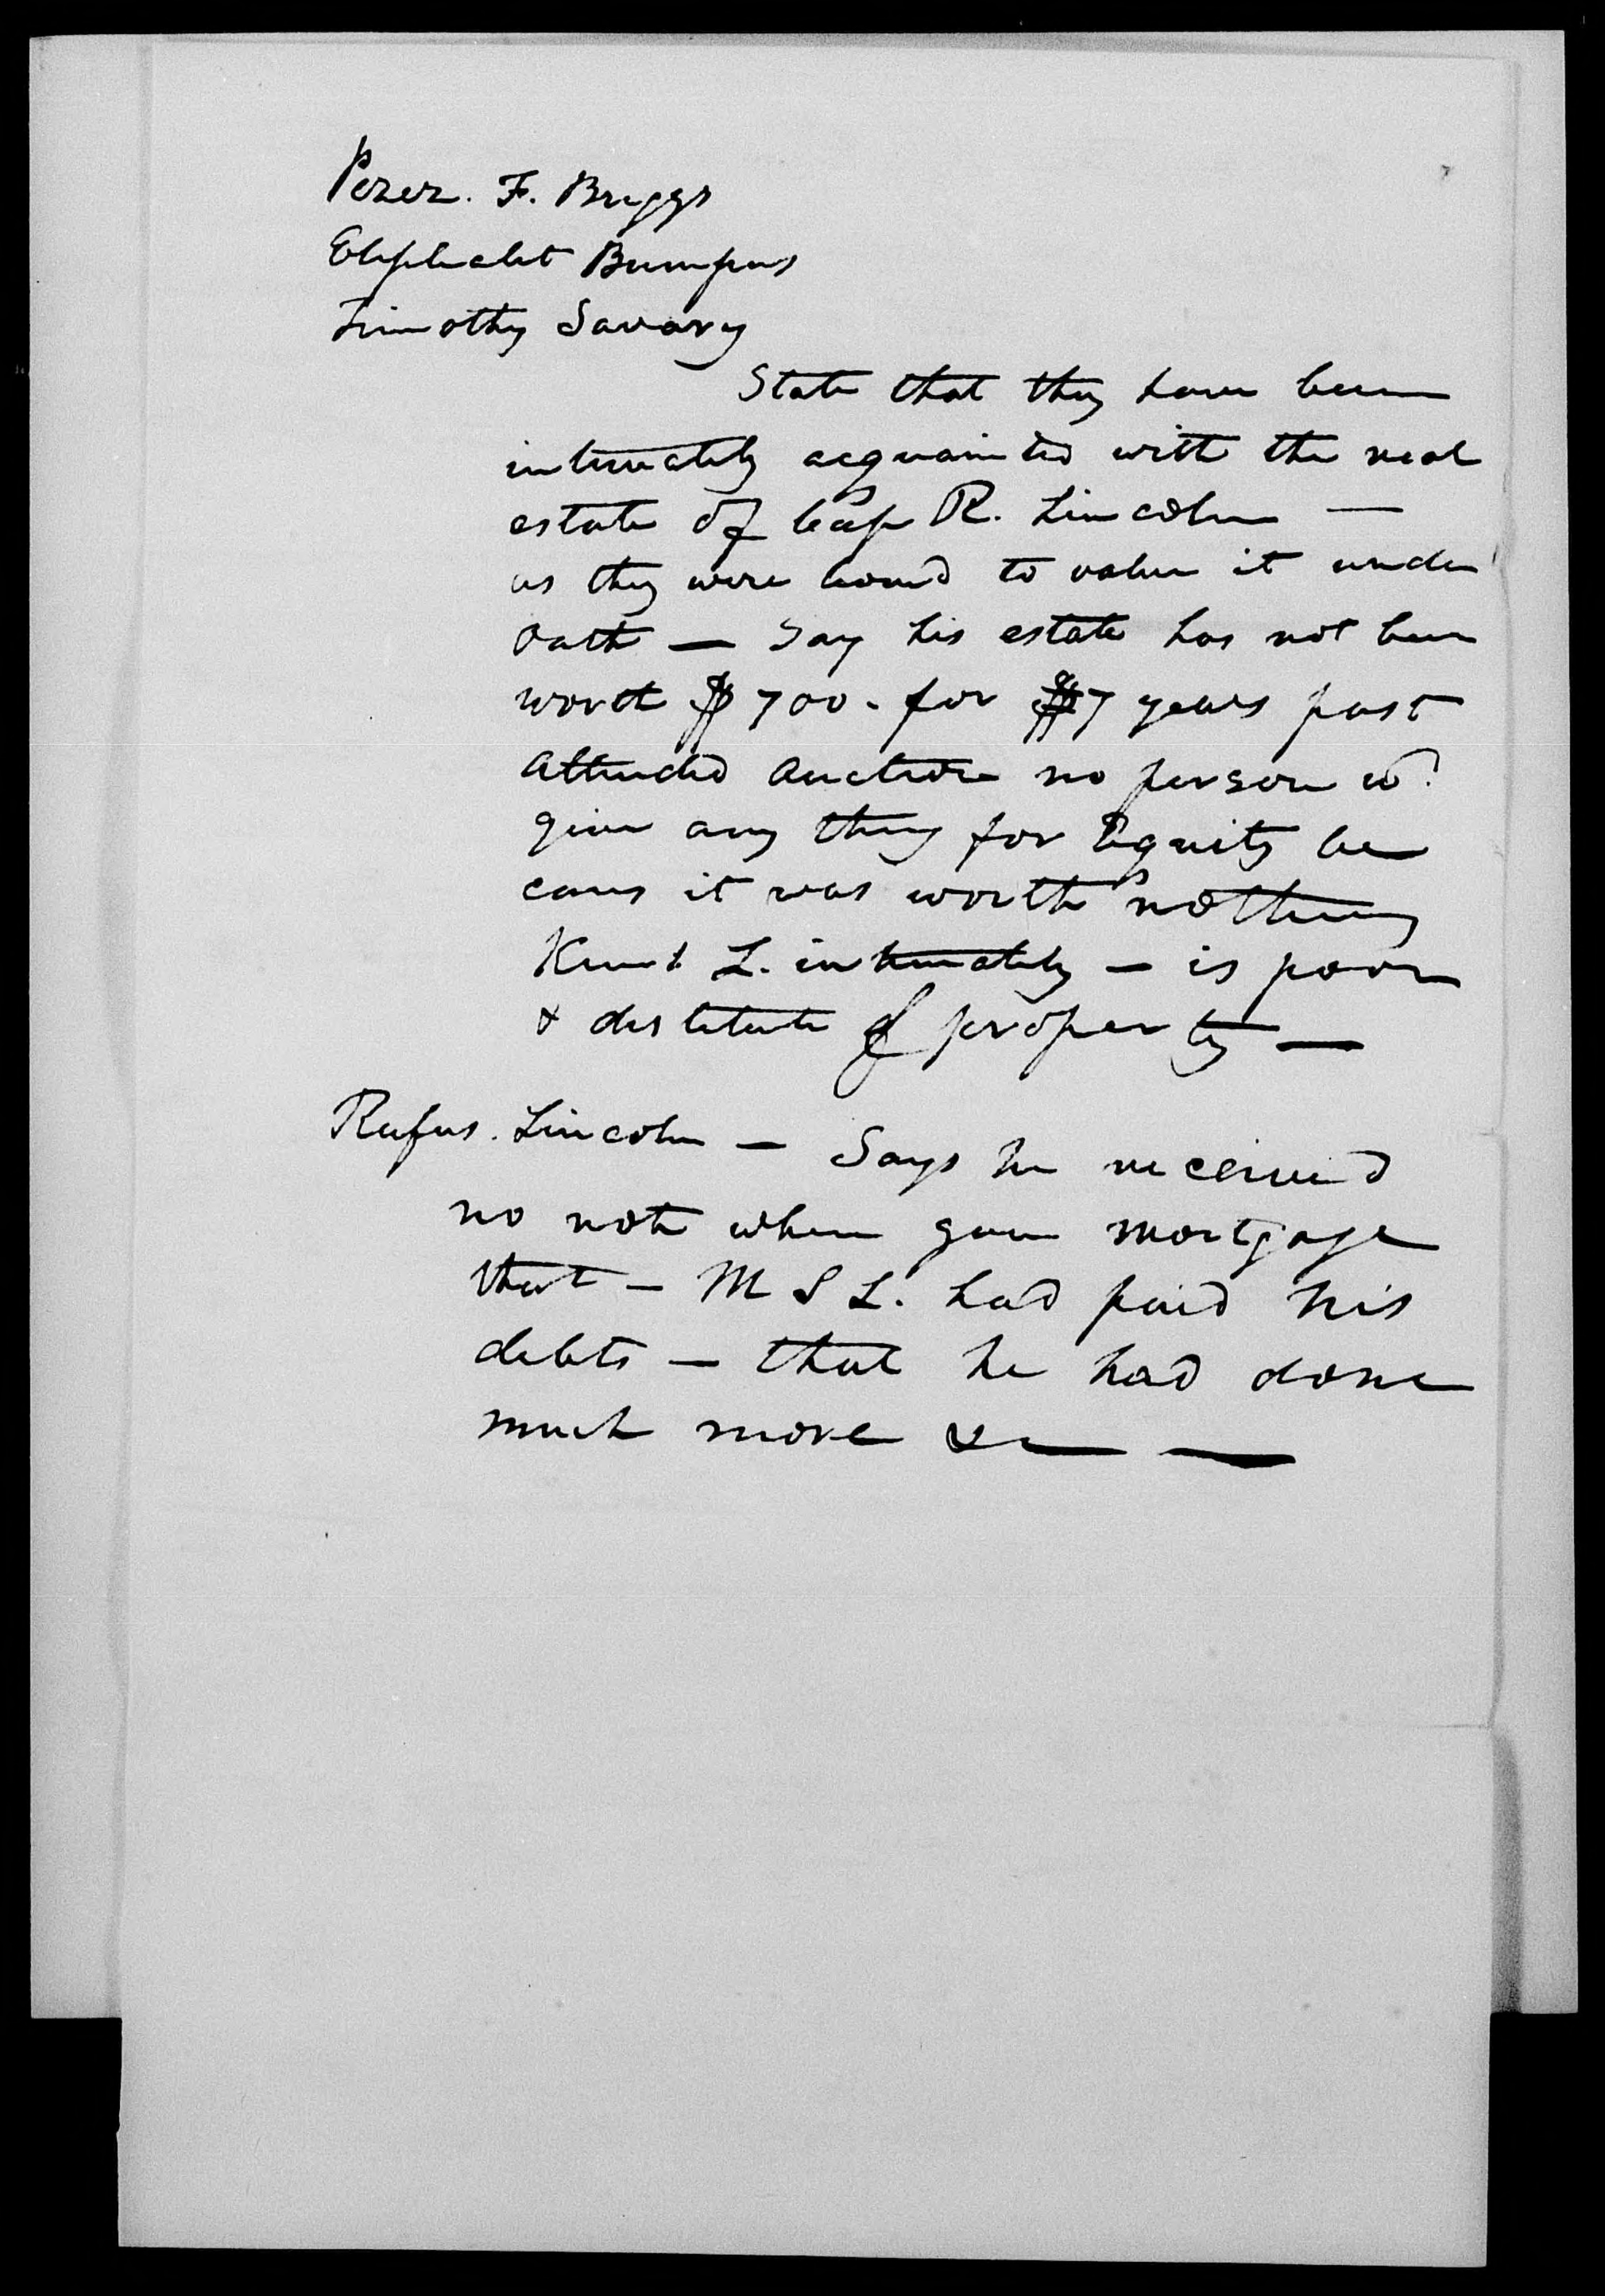Peter. F. Briggs
Ellizabeth Bumpus
Timothy Savary
State that they have been intimately acquainted with the real estate of Cap R. Lincoln as they were bound to value it under
Oath -- say his estate has not been
worth $700. for 7 years past - attended auction no person wd give any thing for Equity because it was worth nothing Know L. intimately - is poor & destitute of property____

Rufus Lincoln --says he received no worth when gave mortgage that M S L. had paid
his debts--that he had done much more &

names: Timothy Savary; Eliphalet Bumpus; Perez F Briggs; Rufus Lincoln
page: 65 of 82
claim: widow's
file: W. 13,634, for Rufus Lincoln, Massachusetts